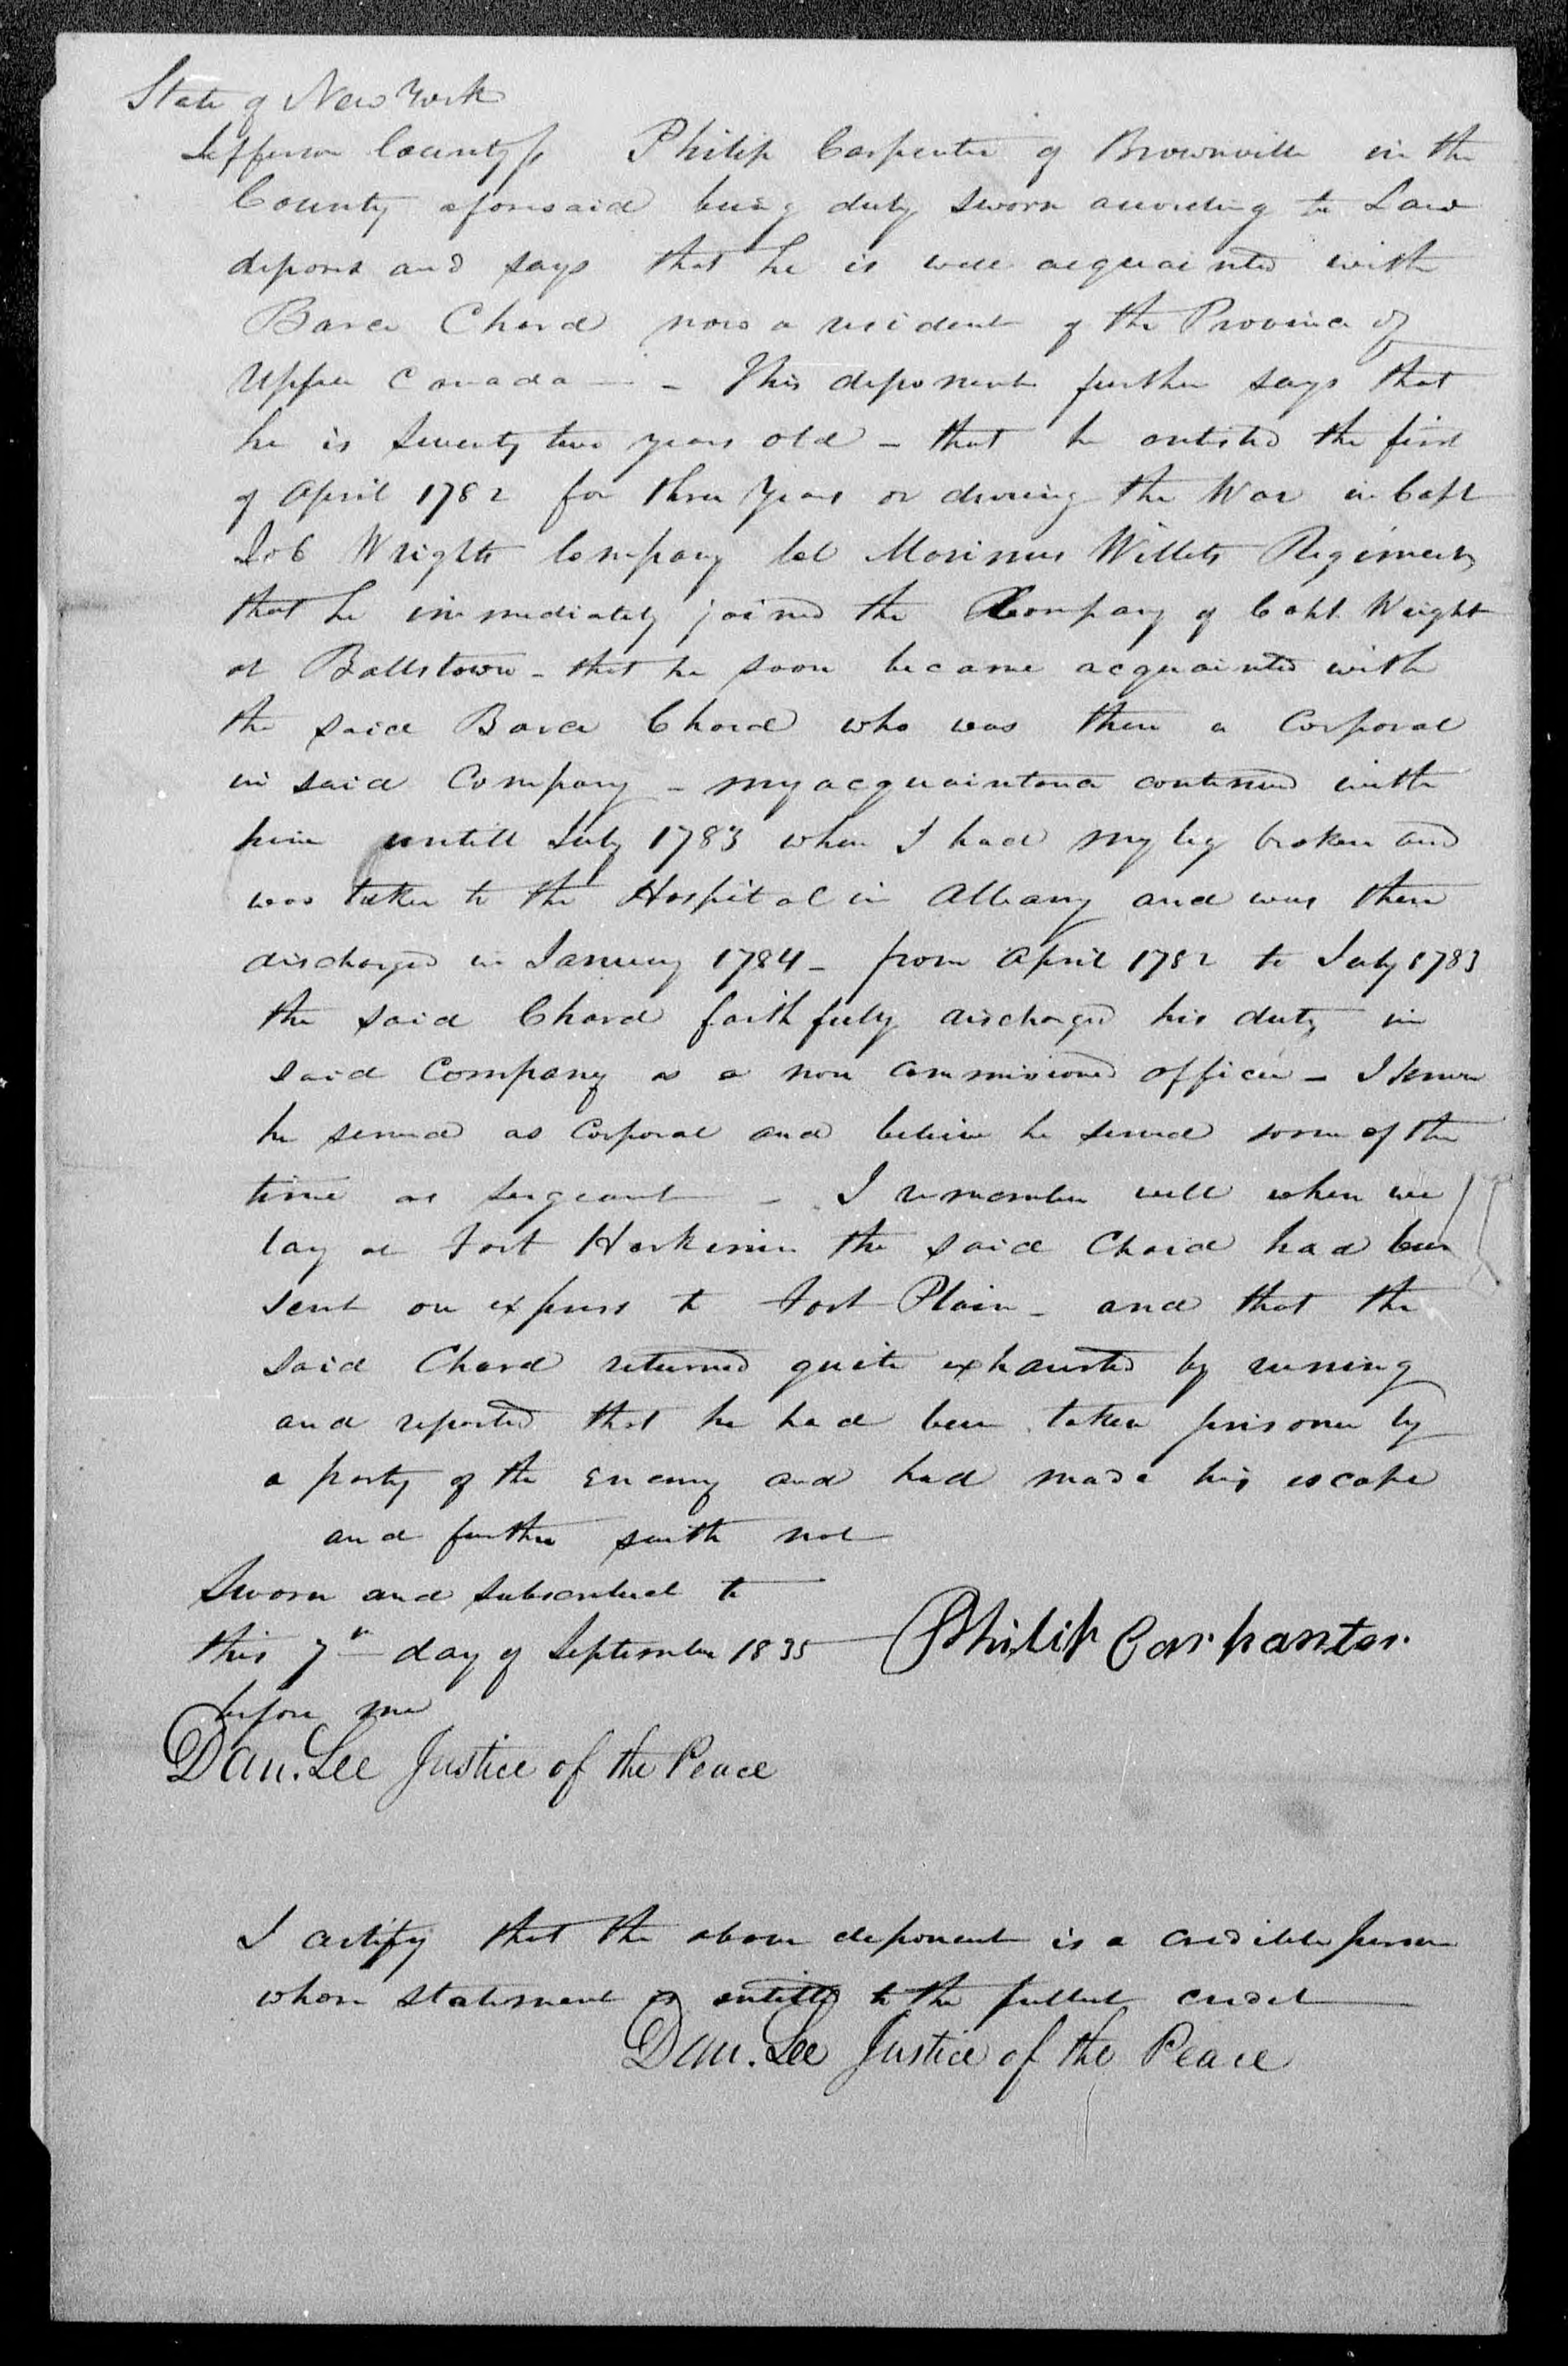State of New York
Jefferson County ss. 		Philip Carpenter of Brownville in the County aforesaid being duly sworn according to Law depose and says that he is well acquainted with Barce Chard now a resident of the Province of Upper Canada - This deponent further says that he is Seventy two years old - that he enlisted the first of April 1782 for three years or during the war in Capt Job Wrights Company Col Marinus Willets Regiment - that he immediately joined the Company of Capt Wright at Ballstown - that he soon became acquainted with the said Bance Chard who was then a Corporal in said Company - my acquaintance continued with him untill July 1783 when I had my leg broken and was taken to the Hospital in Albany and was then discharged in January 1784 - from April 1782 to July 1783 the said Chard faithfully discharged his duty in said Company as a non commisioned officer. I know he served as Corporal and believe he served some of the time as Sergeant. I remember well when we lay at Fort Herkimer the said Chard had been sent on express to Fort Plain - and that the said Chard returned quite exhausted by running and reported that he had been taken prisoner by a party of the Enemy and had made his escape and further saith not 
[Signed] Philip Carpenter
Sworn and subscribed to this 7th day of September 1835 before me
[Signed] Dan. Lee Justice of the Peace 
I certify that the above deponent is a credible person whose statement is entitled to the full credit 
[Signed] Dan. Lee Justice of the Peace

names: Wright, Barce Chard, Philip Carpanter, Dan Lee, Barce Chard, Philip Carpenter, Chard, Dan Lee, Chard, Chard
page: 40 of 47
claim: widow's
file: W. 10,602, Barce Chard, New York.